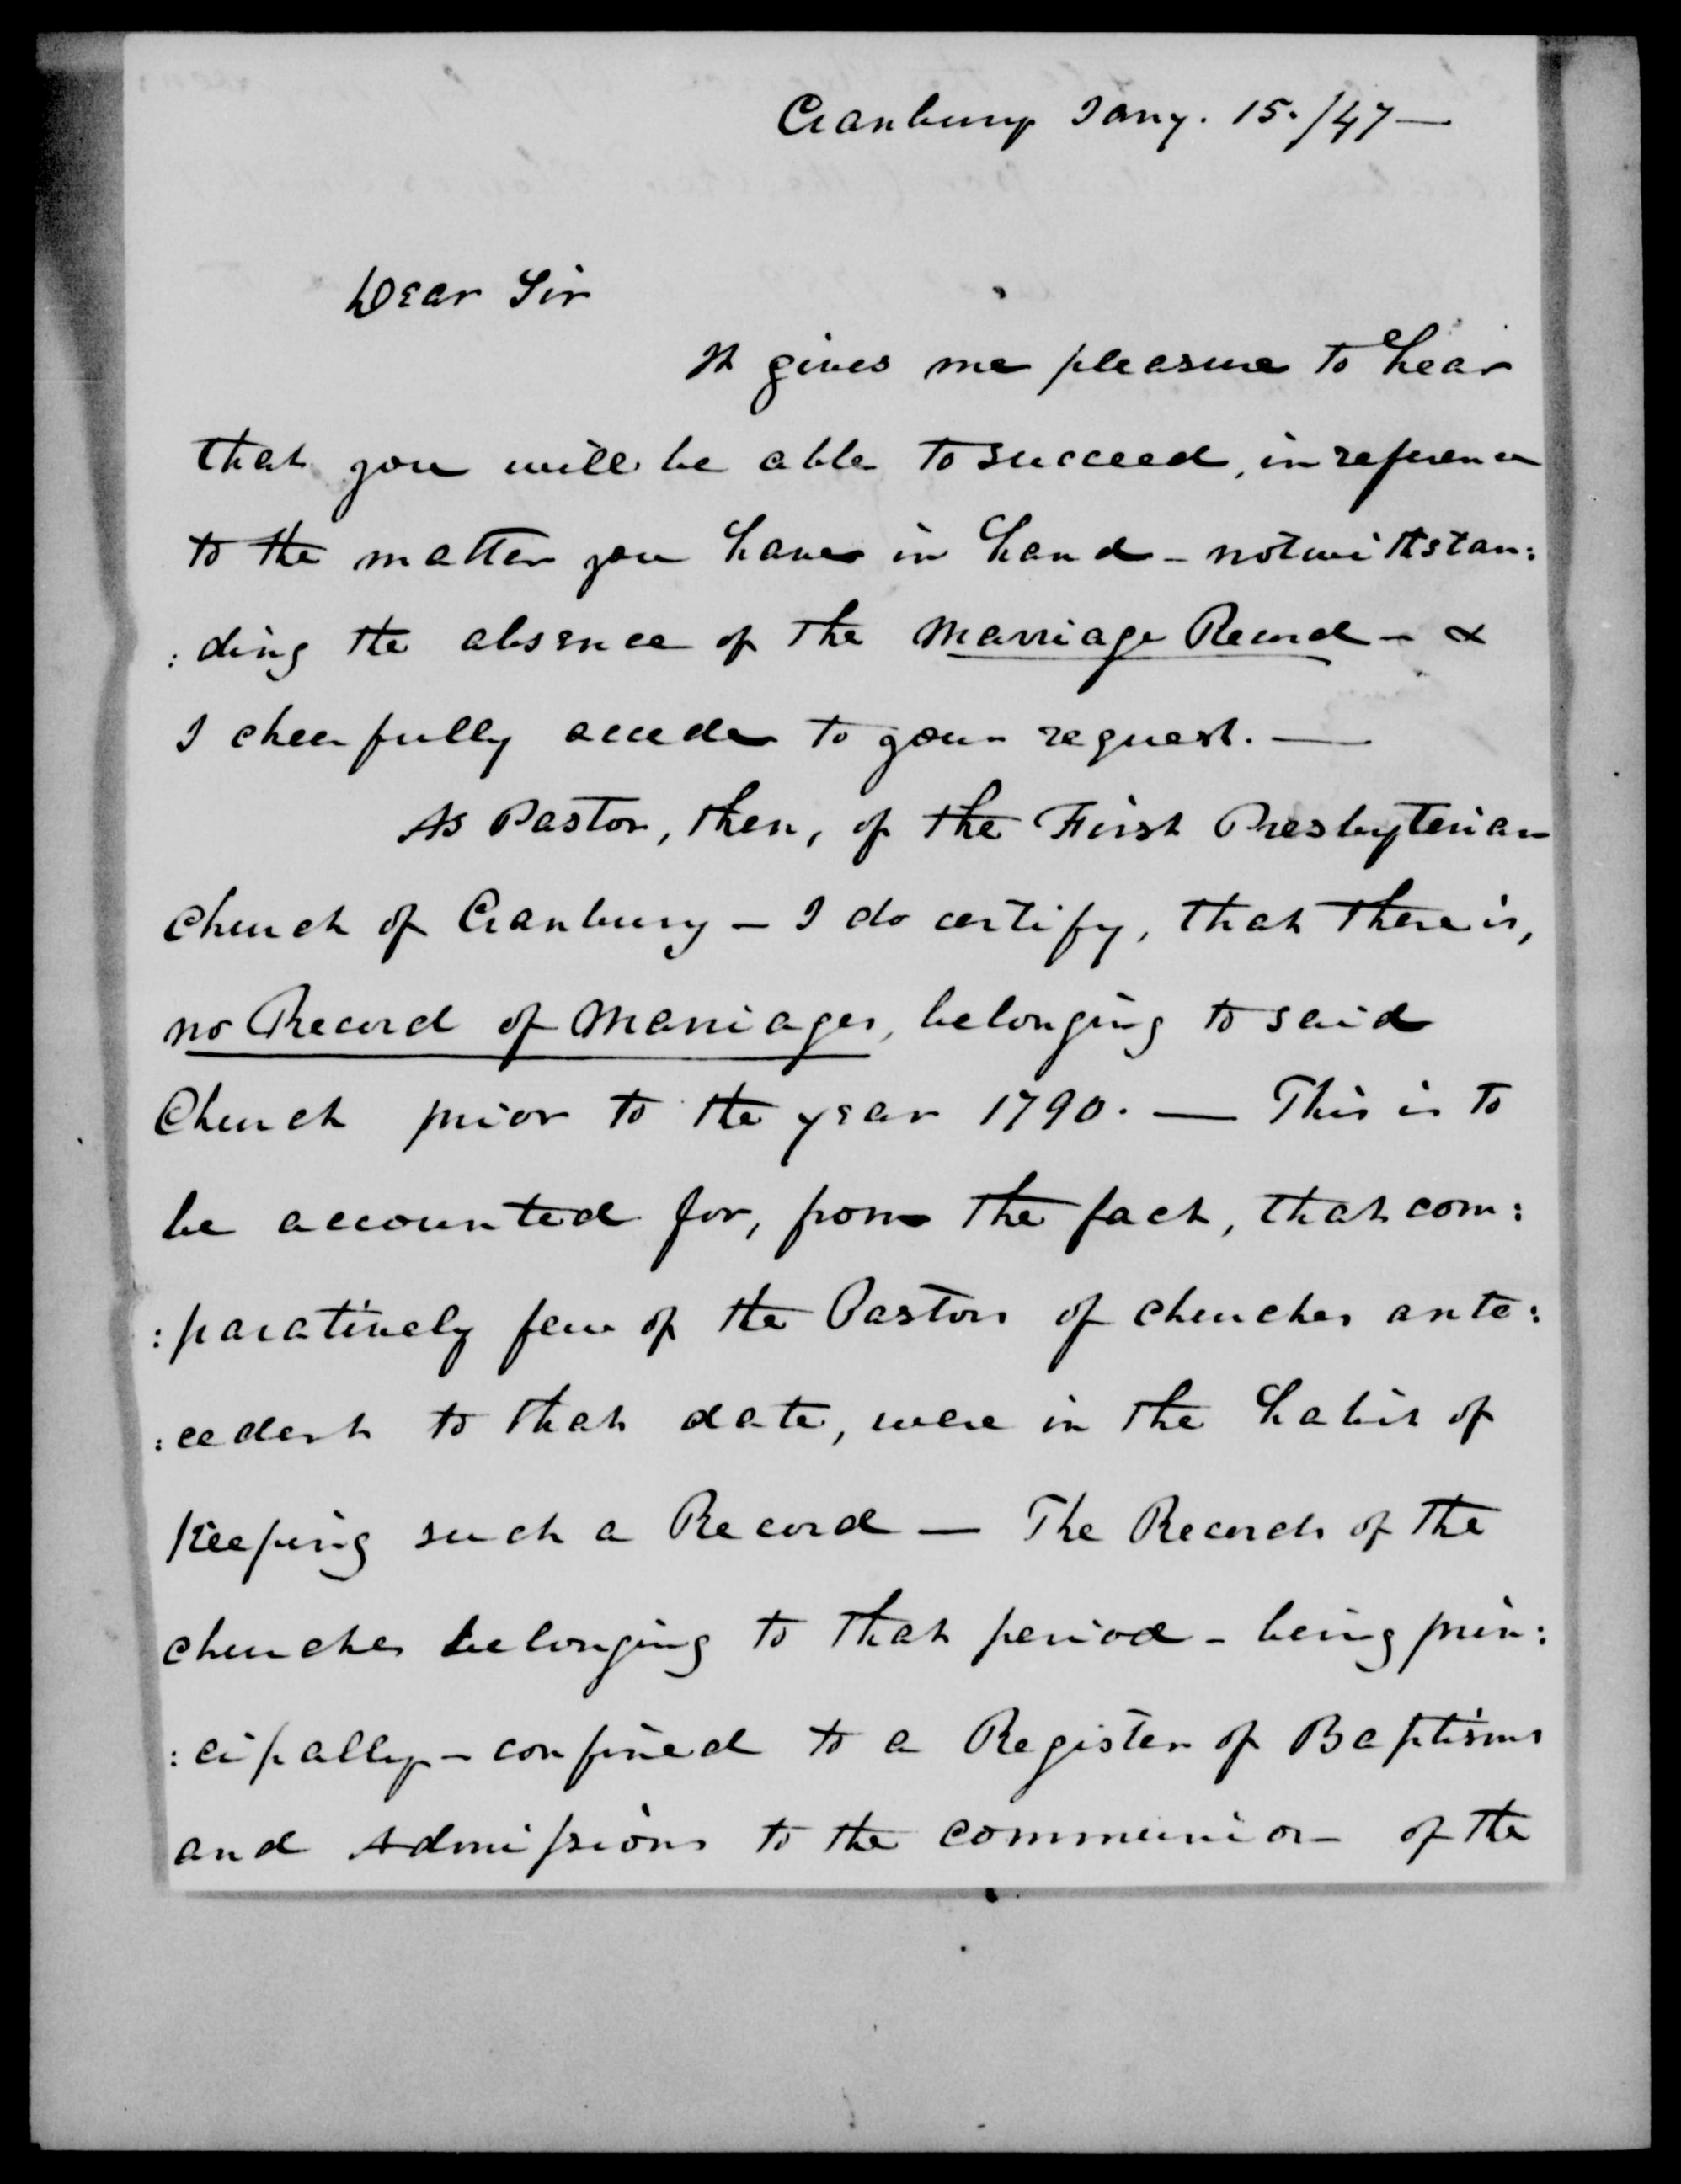Cranbury Jany 15 /47 --

Dear sir

It gives me pleasure to hear that you will be able to succeed in reference to the matter you have in hand - notwithstanding the absence of the marriage record - & I cheerfully accede to your request.

As Pastor, then, of the First Presbyterian Church of Cranbury - I do certify, that there is, no record of marriages, belonging to said church prior to the year 1790.  This is to be accounted for, from the fact, that comparatively few of the Pastors of churches antecedent to that date, were in the habit of keeping suh a record -- The records of the churches belonging to that period - being principally confined to a register of baptisms and admissions to the communion of the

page: 33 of 46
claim: widow's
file: W. 6205, for John Slover, New Jersey